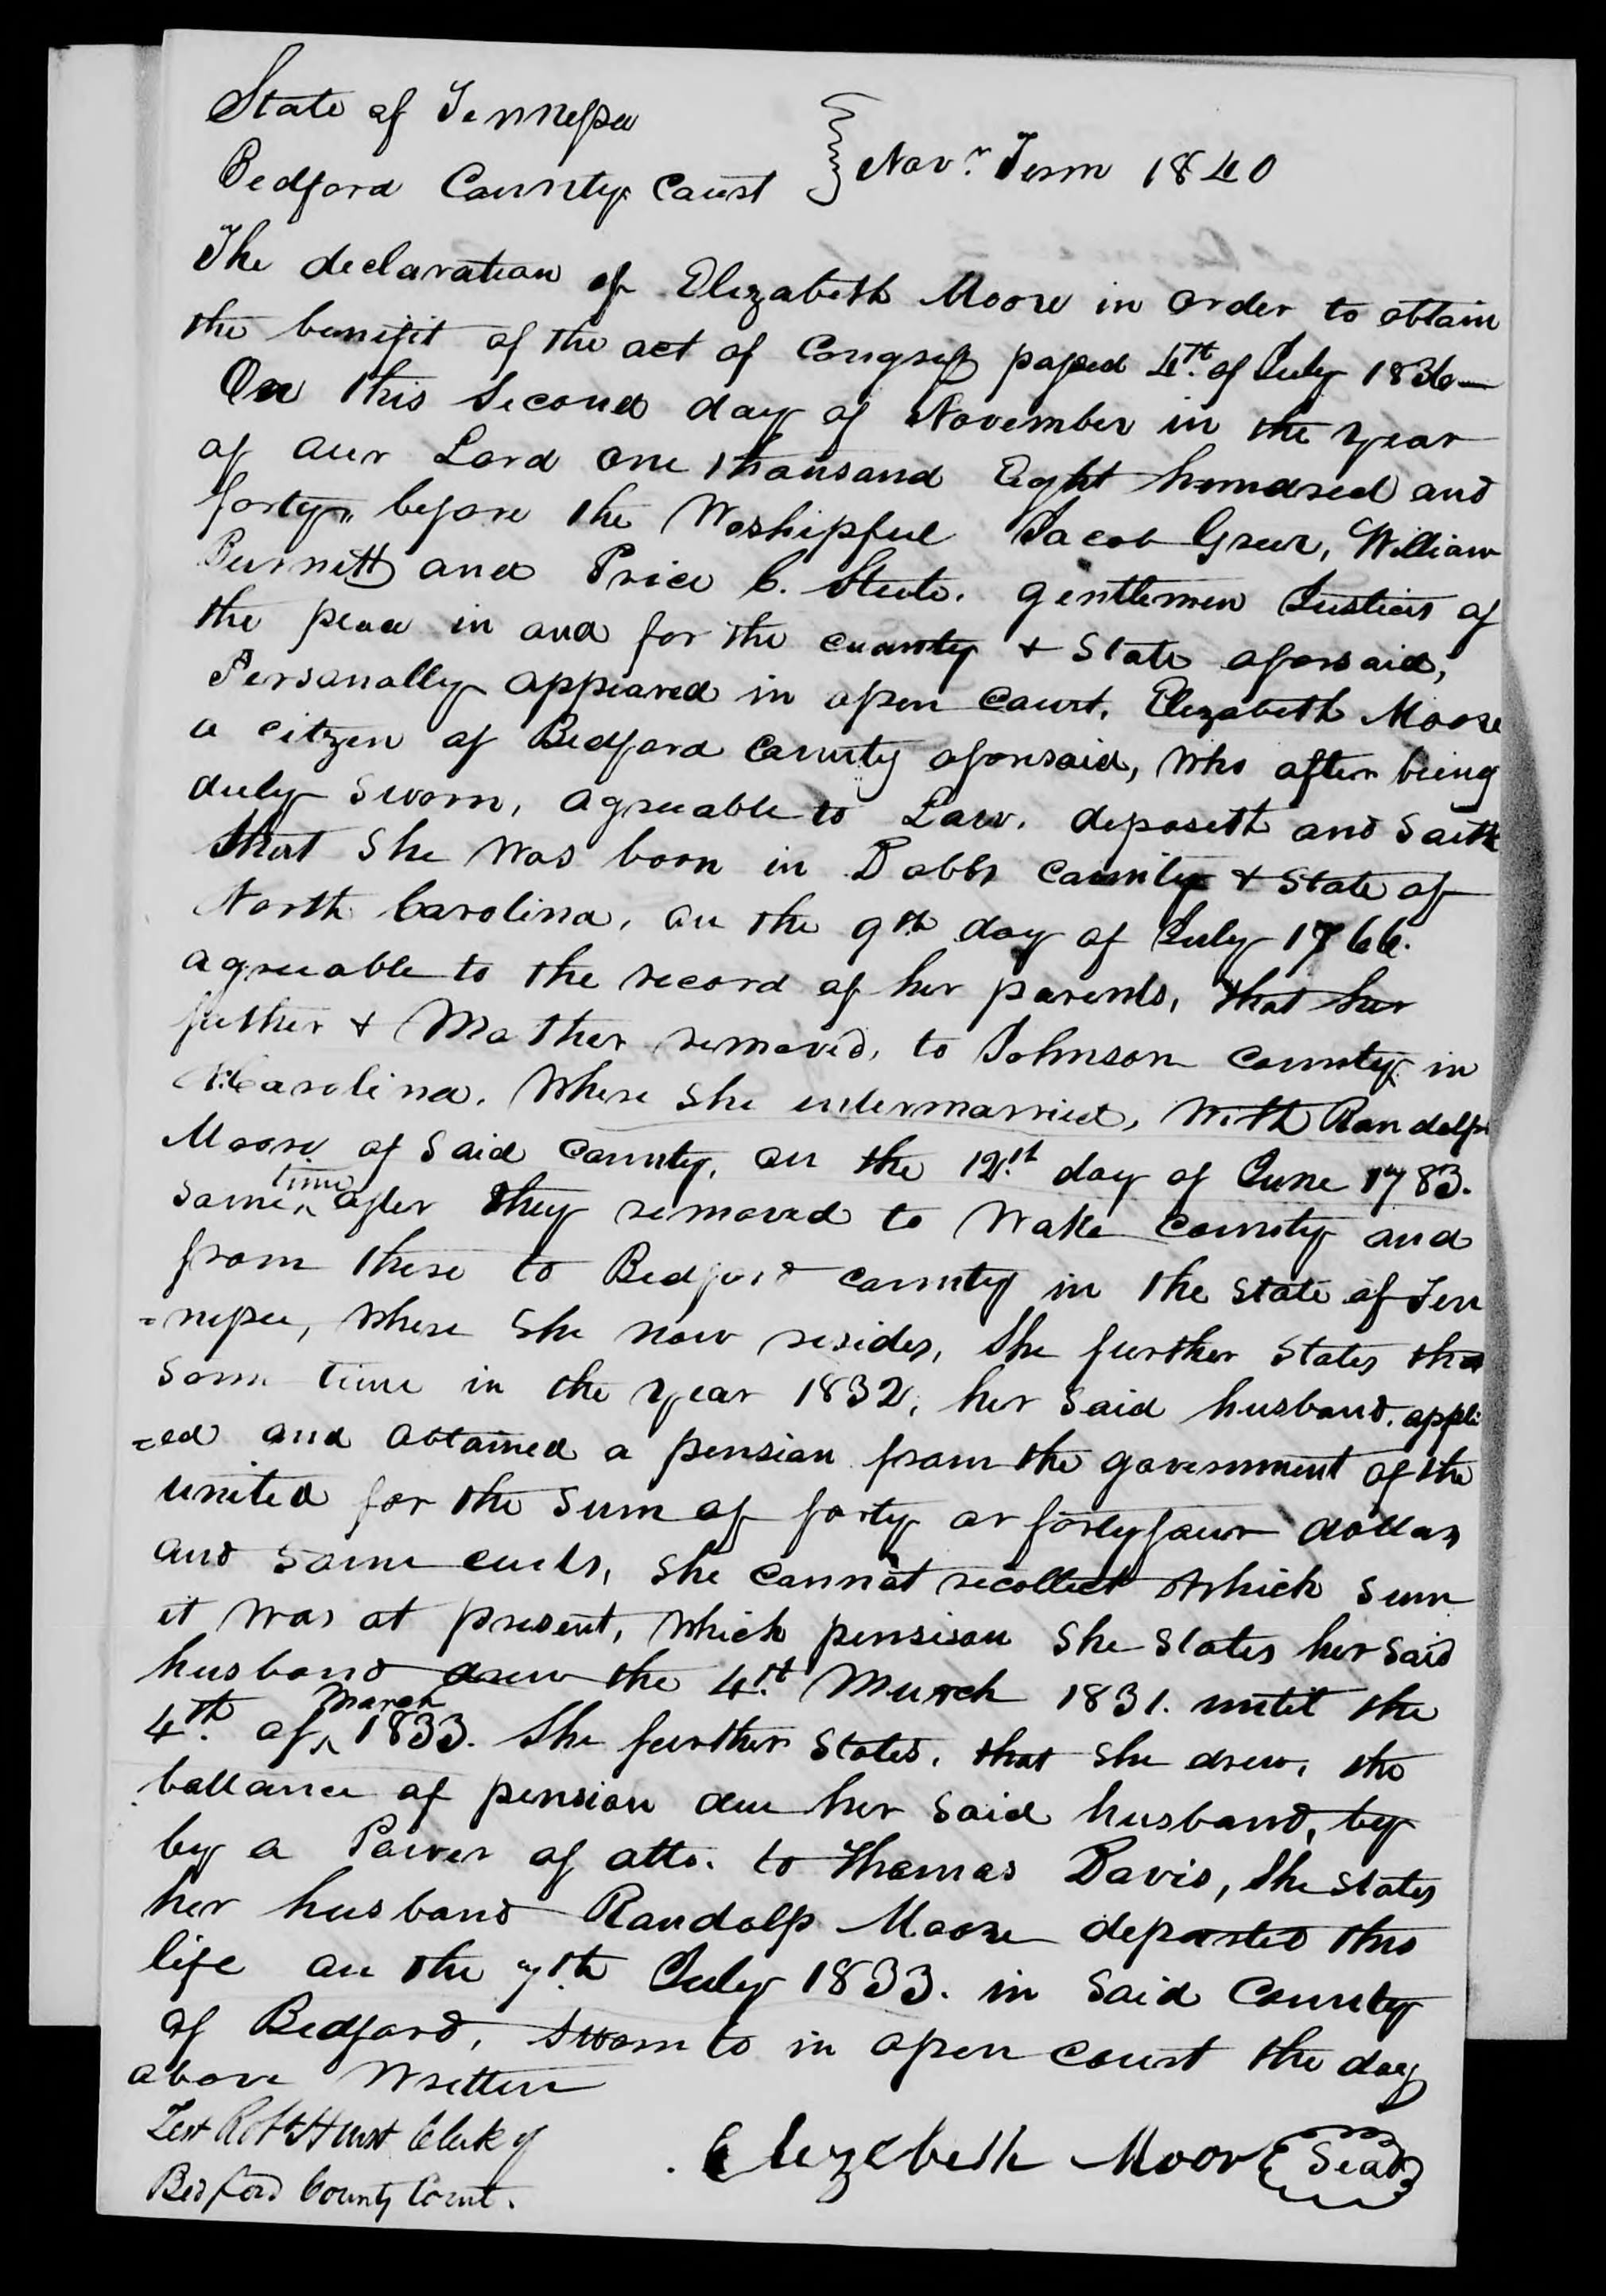State of Tennessee} Nov'r. Term 1840
Bedford County Court} 
The declaration of Elizabeth Moore in order to obtain the benefit of the act of Congress passed 4th of July 1836-
On this second day of November in the year of our Lord one thousand eight hundred and forty before the Worshipful Jacob Greer, William Burnett and Price C. Steele gentlemen Justices of the peace in and for the county & state aforesaid, Personally appeared in open court, Elizabeth Moore a citizen of Bedford county aforesaid, who after being duly sworn agreeable to Law, deposeth and saith that she was born in Dobbs County & state of  North Carolina, on the 9th day of July 1766. agreeable to the record of her parents, that her father & mother removed to Johnson County in N. Carolina where she intermarried  with Randolph Moore of said county, on the 12th day of June 1783 from there to Bedford county in the state of Tennessee, where she now resides. She further states that some time in the year 1832, her said husband applied and obtained a pension from the government of the United for the sum of forty or forty four dollars and some cents She cannot recollect which sum it was at present, which pension she states her said husband drew the 4th March 1831 until the 4th of March 1833. She further states that she drew, the ballance of pension due her said husband, by by a Power of Atty. to Thomas Davis, she states her husband Randolph Moore departed this life on the 7th July 1833. in said County of Bedford. Sworn to in open court the day above written.
[Signature]
Elizabeth Moor [seal]

Test. Rob't Hurst Clerk of
Bedford County Court.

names: Thomas Davis; Jacob Greer; Robt Hurst; William Burnett; Elizabeth Moore; Randolph Moore; Price C Steele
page: 15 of 33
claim: widow's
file: W. 52, for Randolph Moore, North Carolina